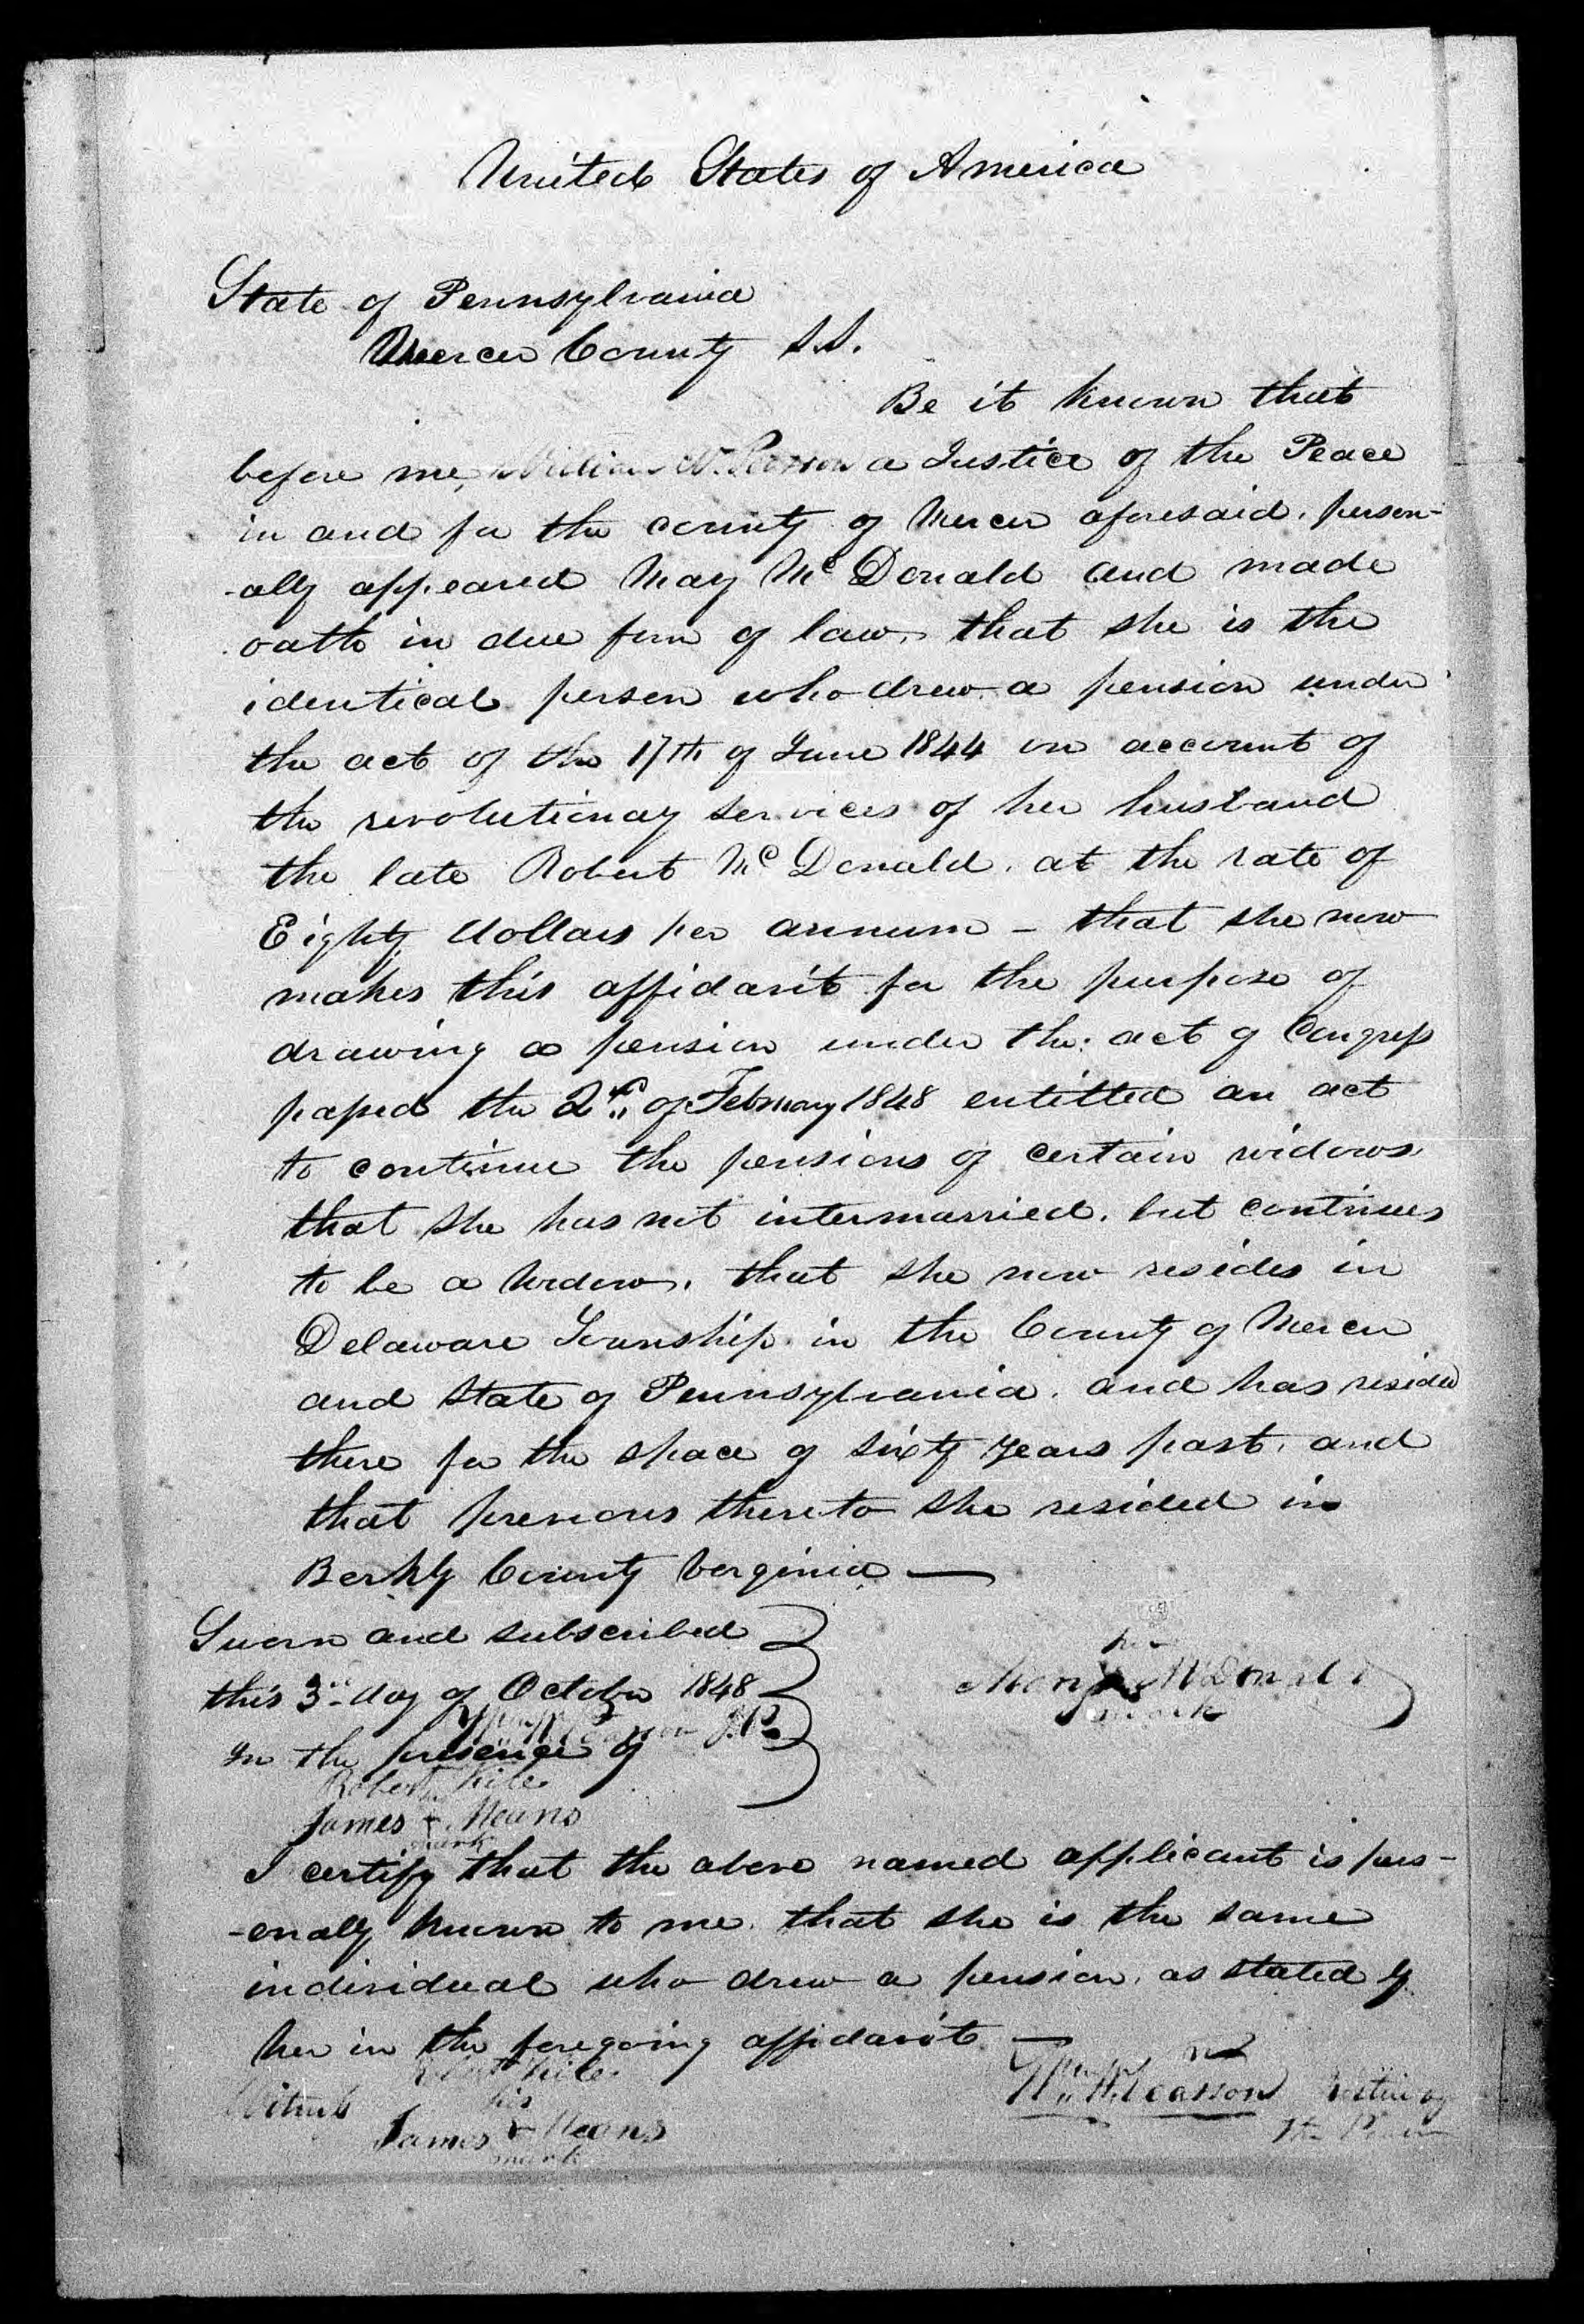United States of America
State of Pennsylvania
Mercer County S.S.
Be it known that before me William W Patton a Justice of the Peace in  and for the county  Mercer aforesaid personally appeared Mary McDonald and made oath in due form of Law, that she is the identical person who drew a pension under the act of this 11th of June 1844 in account of the revolutionary Services of her husband the late Robert McDonald, at the rate of Eighty Dollars per annum-that the new makes this affidavit for the purpose of drawing so pension under the Acts of Congress passed the 2nd of February 1868 entitled an act to continue the pensions of certain widows that she has not intermarried but continues to be a widow, that she now resides in Delaware Township in the county of Mercer and State of Pennsylvania and has resided there for the space of sixty years past and that pensions thereto she resided in Berkly County Virginia
Sworn and Subscribed this 3rd day of October 1848 in the  presence of Robert Wile James Meuno
I certify that the above named applicant is personally known to me that she is the same individual who drew a pension as stated by her in the foregoing affidavits. Wm Lenon Prot
James Neons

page: 47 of 59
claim: widow's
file: W 3703, for Robert Mc Donald, Pennsylvania